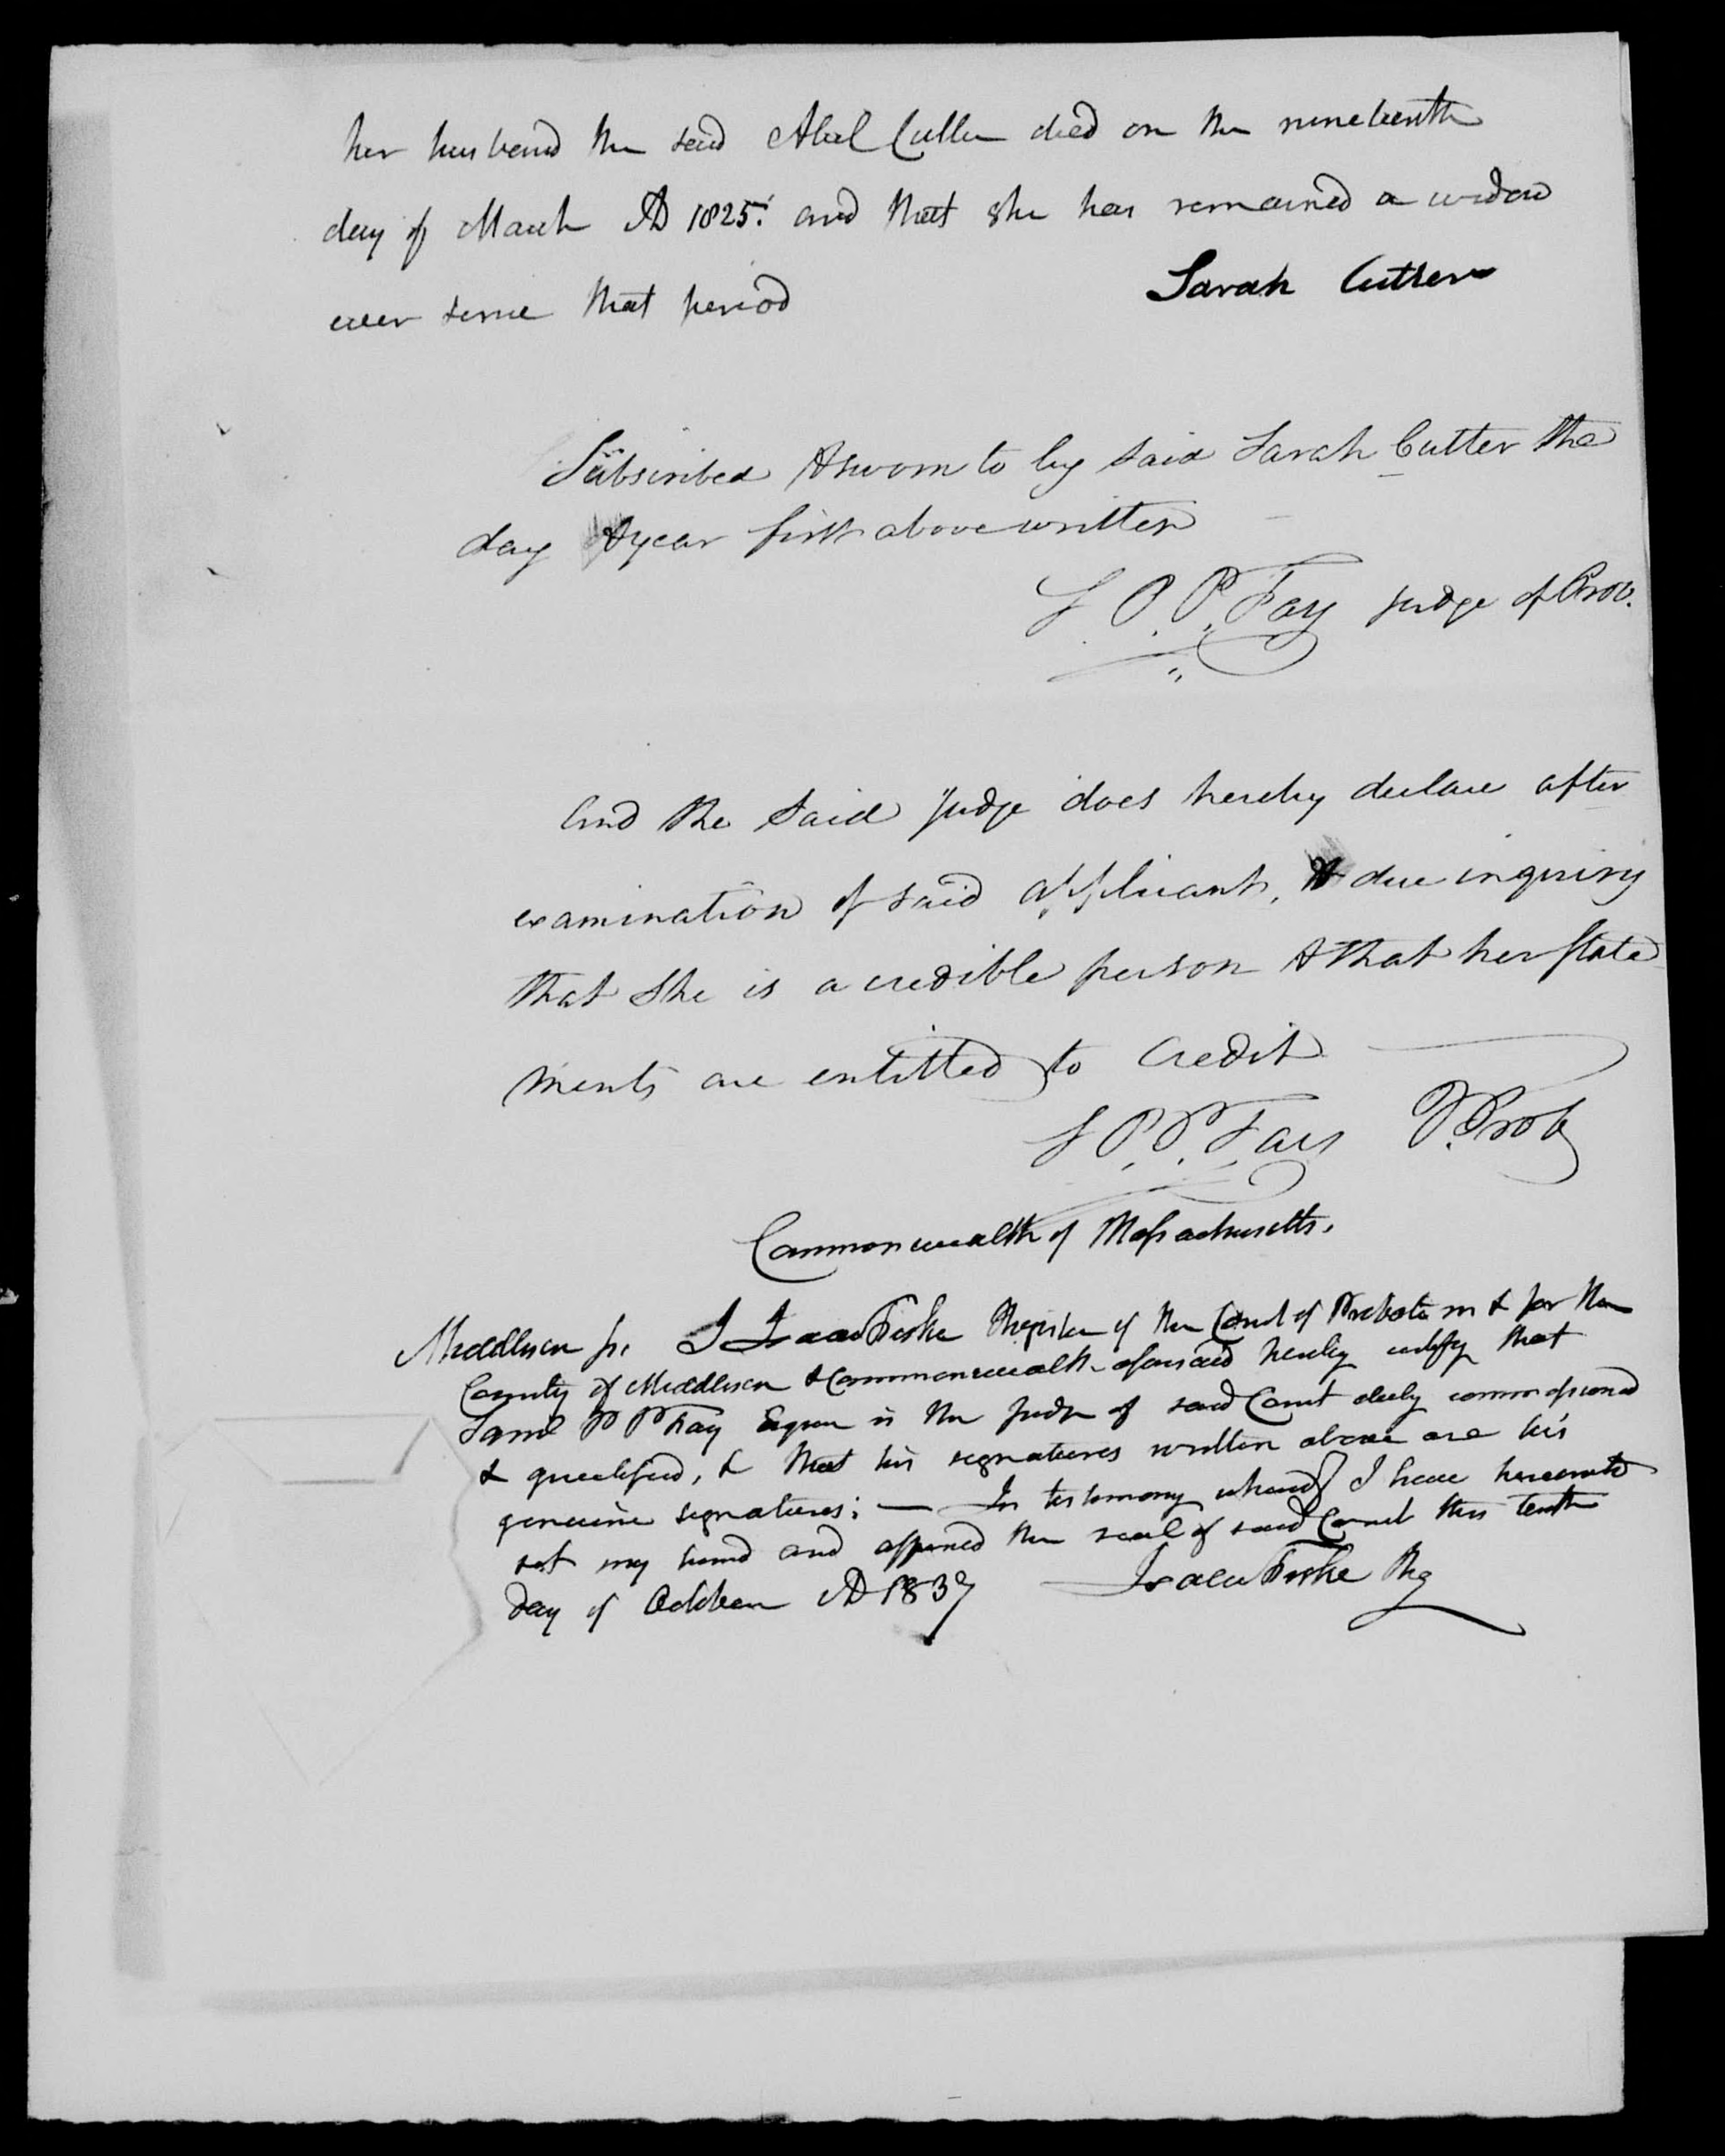and the said Judge does hereby declare after examination of said applicant  & due inquiry that she is a credible person and that her statements are entitled to credit. L. P. P. Fay, [illegible]
Commonwealth of Massachusetts
Middlesex: I, Isaac Fiske, Magistrate of the court of Probate in and for the county of Middlesex and Commonwealth; aforesaid hereby certify that Samuel P. Fay, Esquire is a of said court duly commissioned and qualified and that his signatures written above are his genuine signatures; in testimony whereof I have hereunto set my hand and affixed the seal of said court this 10th day of October AD 1837. Isaac Fiske Mg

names: Isaac Feske, Abel Cutler, Sarah Cutler, Saml P P Fay, S P P Fay, S P P Fay, Isaac Feske, Sarah Cutler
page: 6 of 22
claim: widow's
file: W. 14,552, Abel Cutler, Mass.